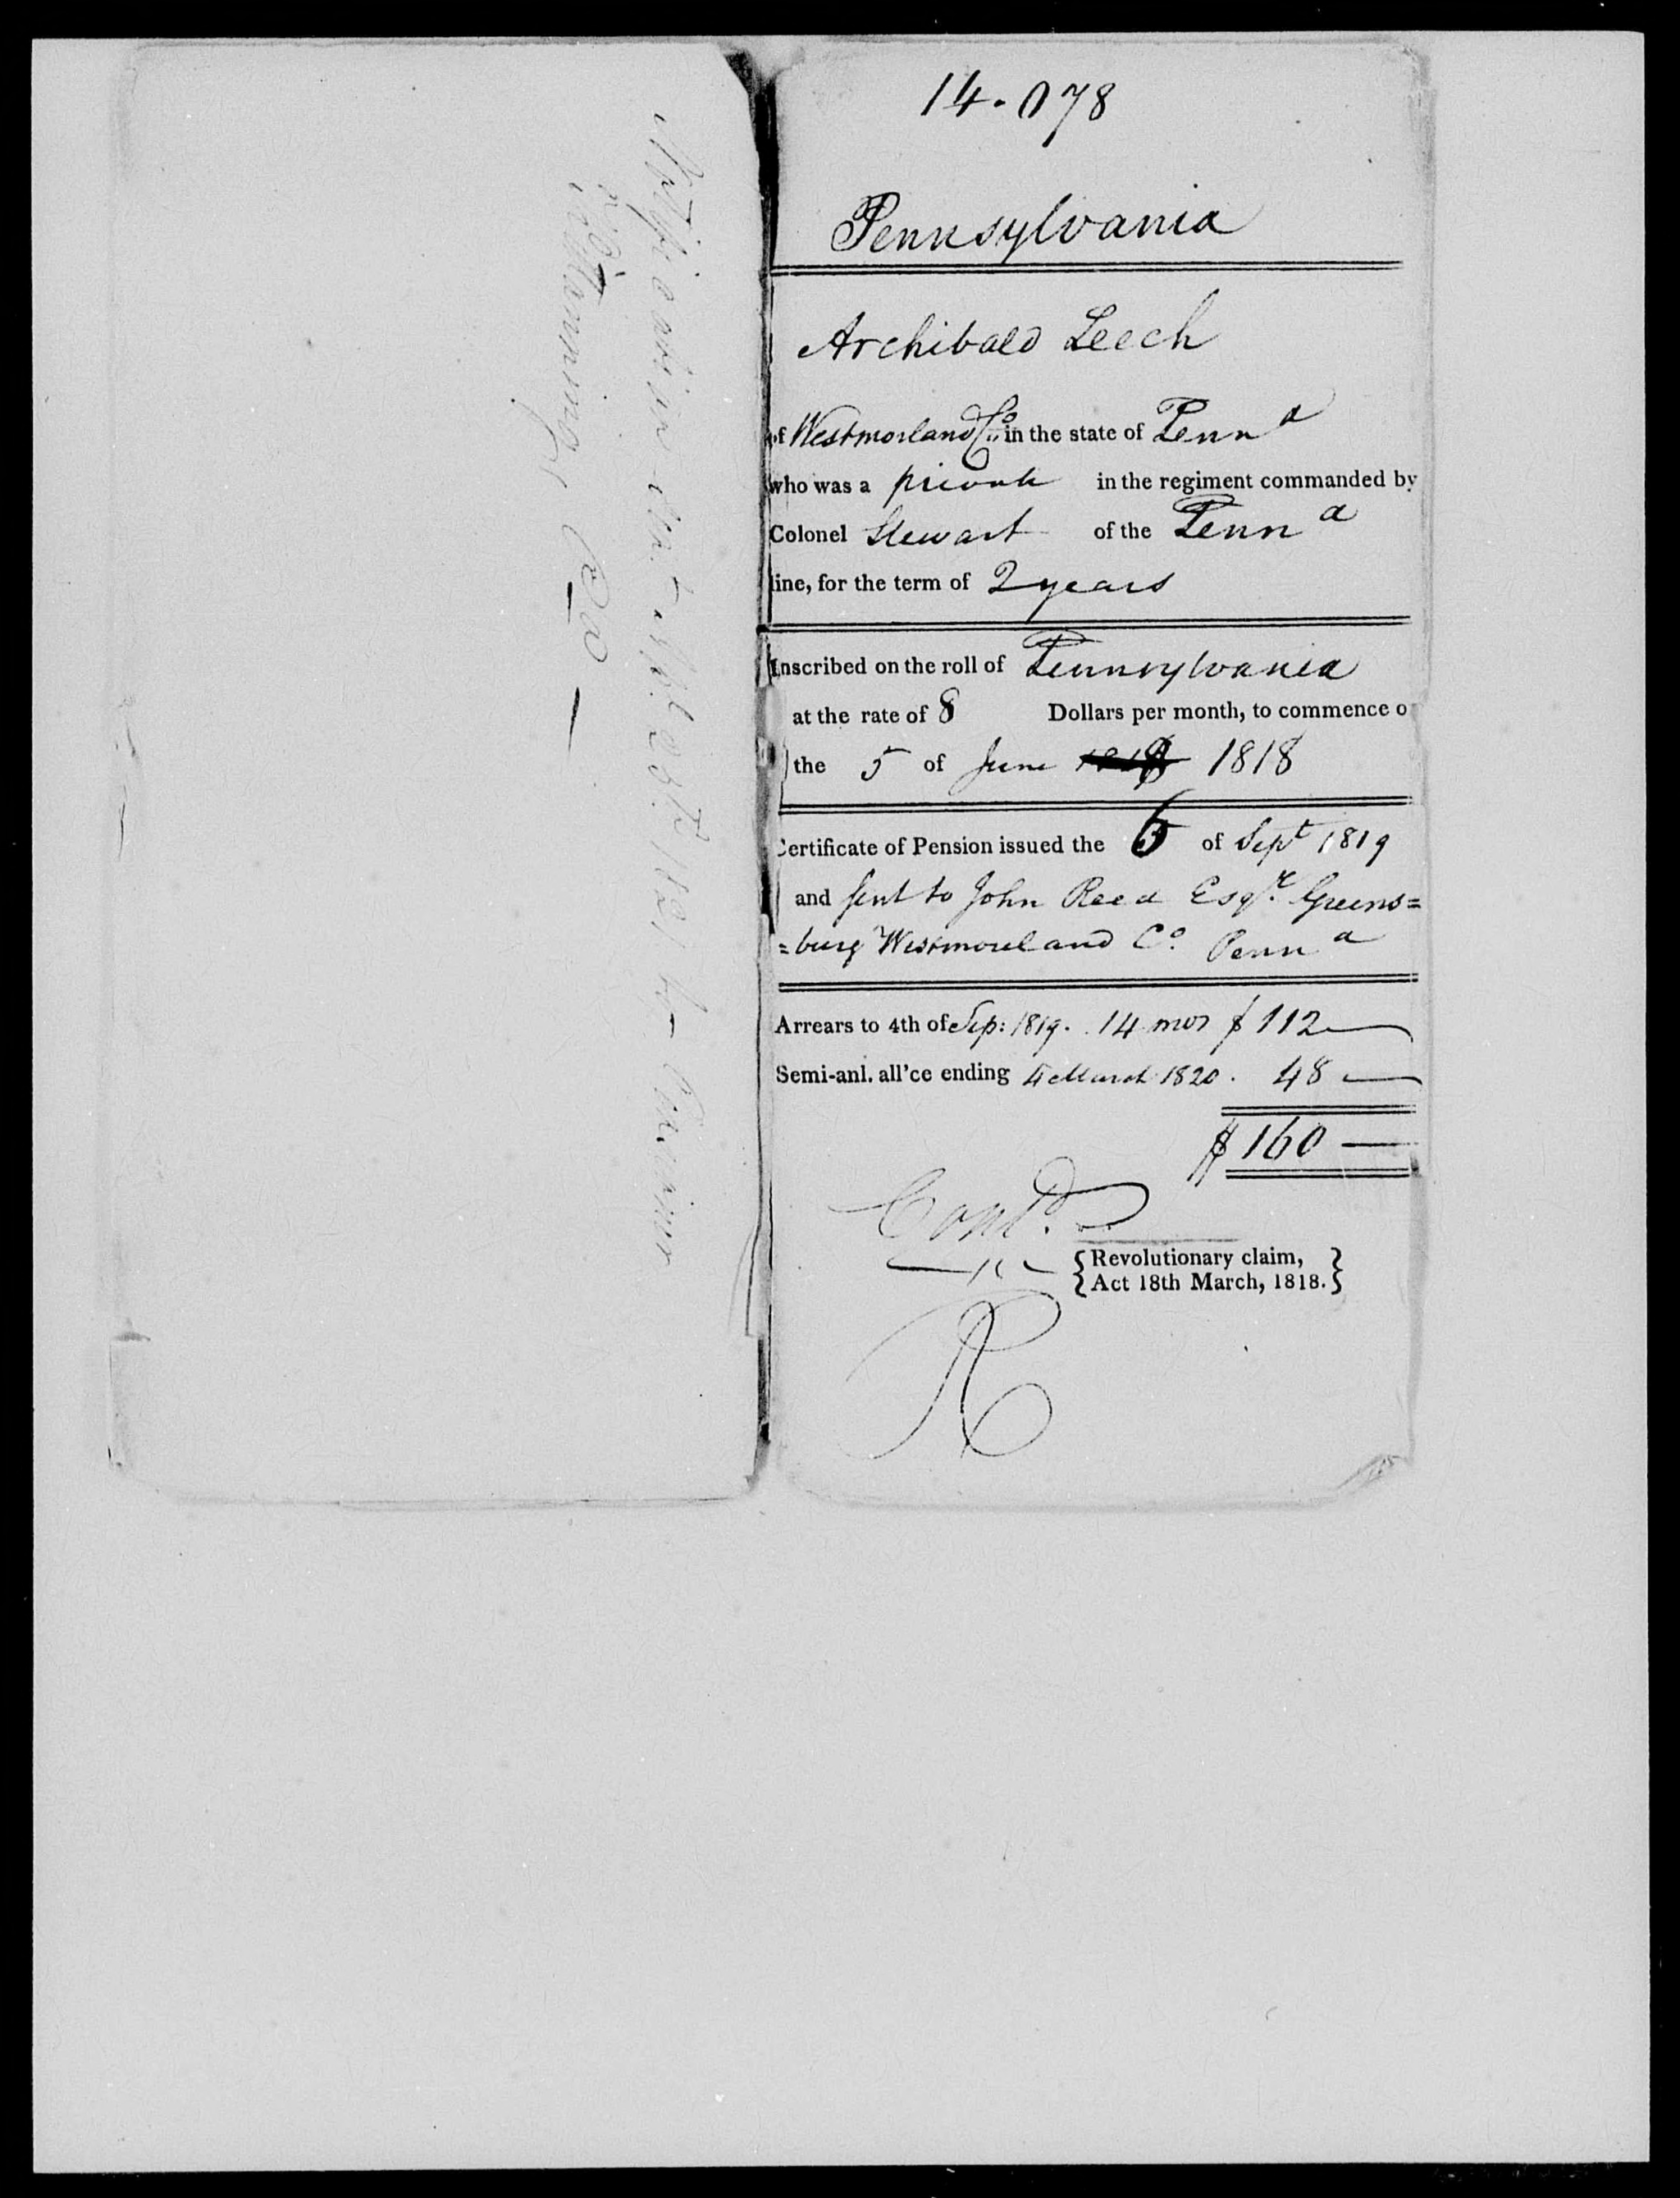14.078
Pennsylvania
Archibald Leech of Westmorland County in the State of Pennsylvania who was a private in the regiment commanded by Colonel Stewart of the Pennsylvania line, for the term of 2 years.
Inscribed on the roll of Pennsylvania at the rate of 8
Dollars per month, to commence on the 5 of June 1818.
Certificate of Pension issued the 6 of Sept 1819 and sent to John Reed Esquire, Greensburg, Westmoreland County, Pennsylvania.
Arrears to 4th of Sep 1819. 14 months $112
Semi-annual allowance ending 4 March 1820 $48
$160
{Revolutionary claim, Act 18th March, 1818.}
Notification sent April 25, 1821, to pensioner
Kittanning, Pa.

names: Archibald Leech; John Reed; [BLANK] Stewart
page: 2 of 20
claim: survivor's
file: S. 40,935, for Archibald Leech, Pennsylvania